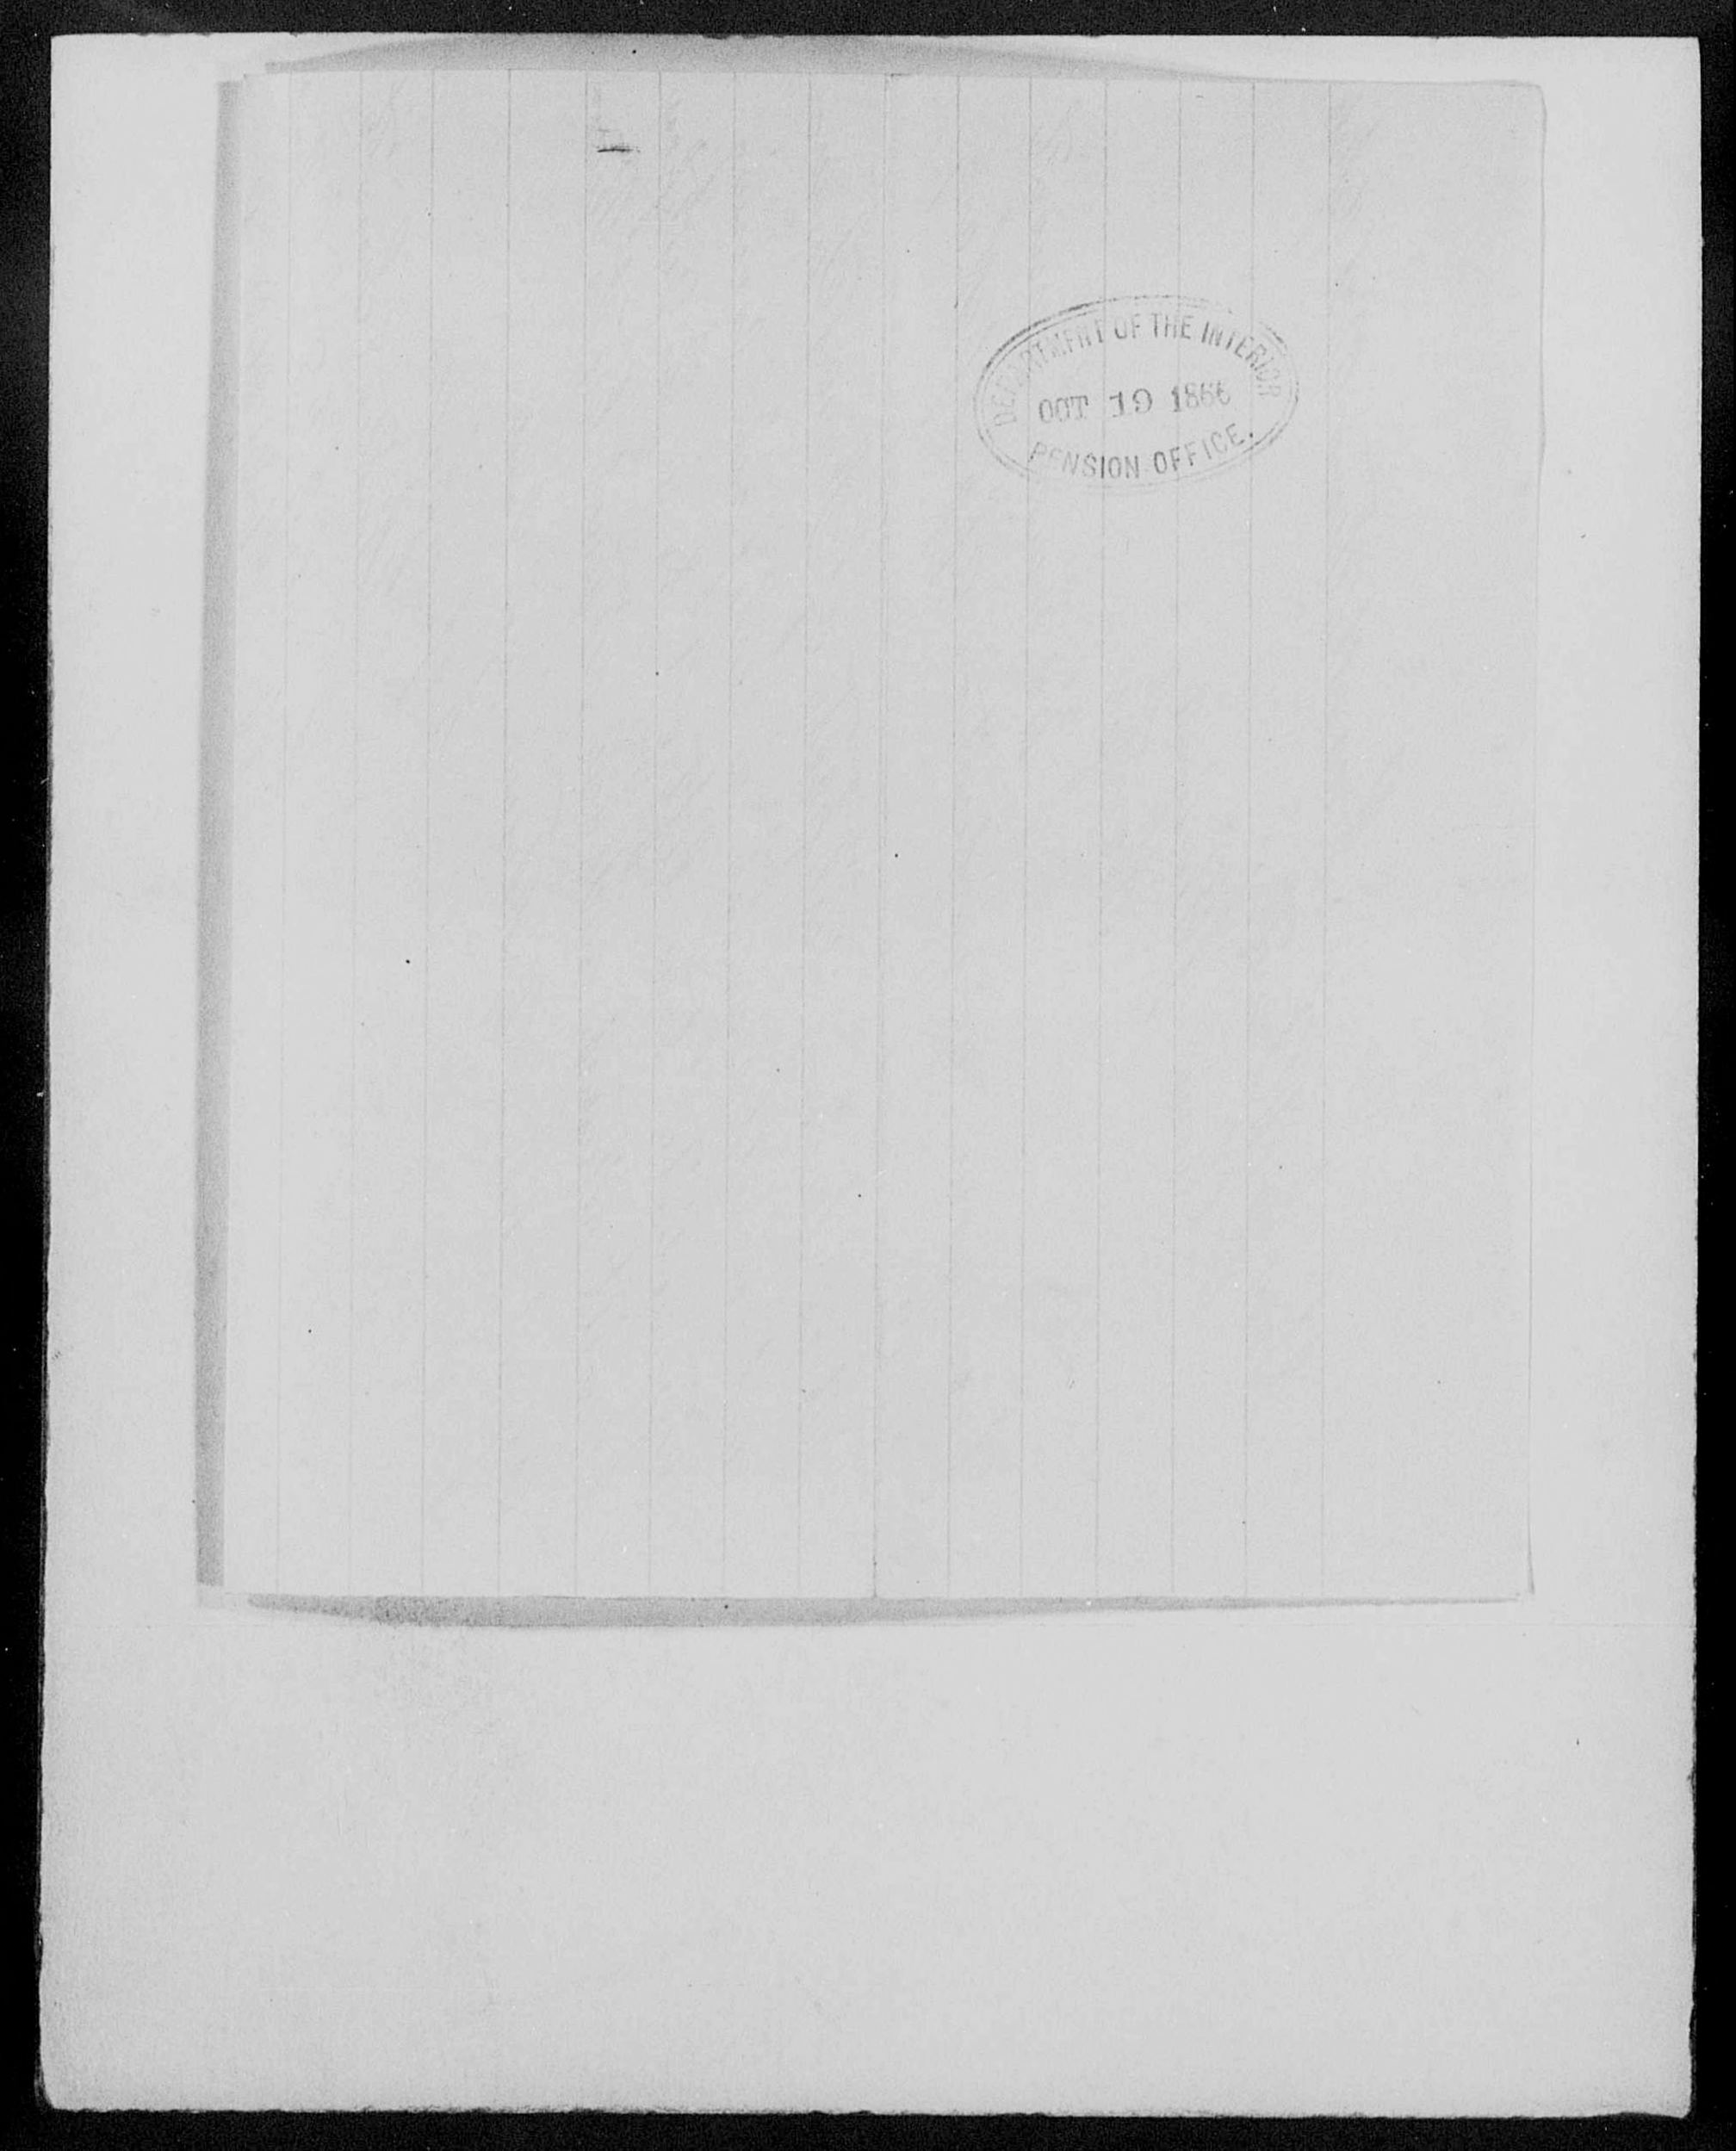stamp
DEPARTMENT OF THE INTERIOR
Oct 19 1866
PENSION OFFICE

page: 70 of 86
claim: widow's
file: W. 1035, John Hubbs, S.C.